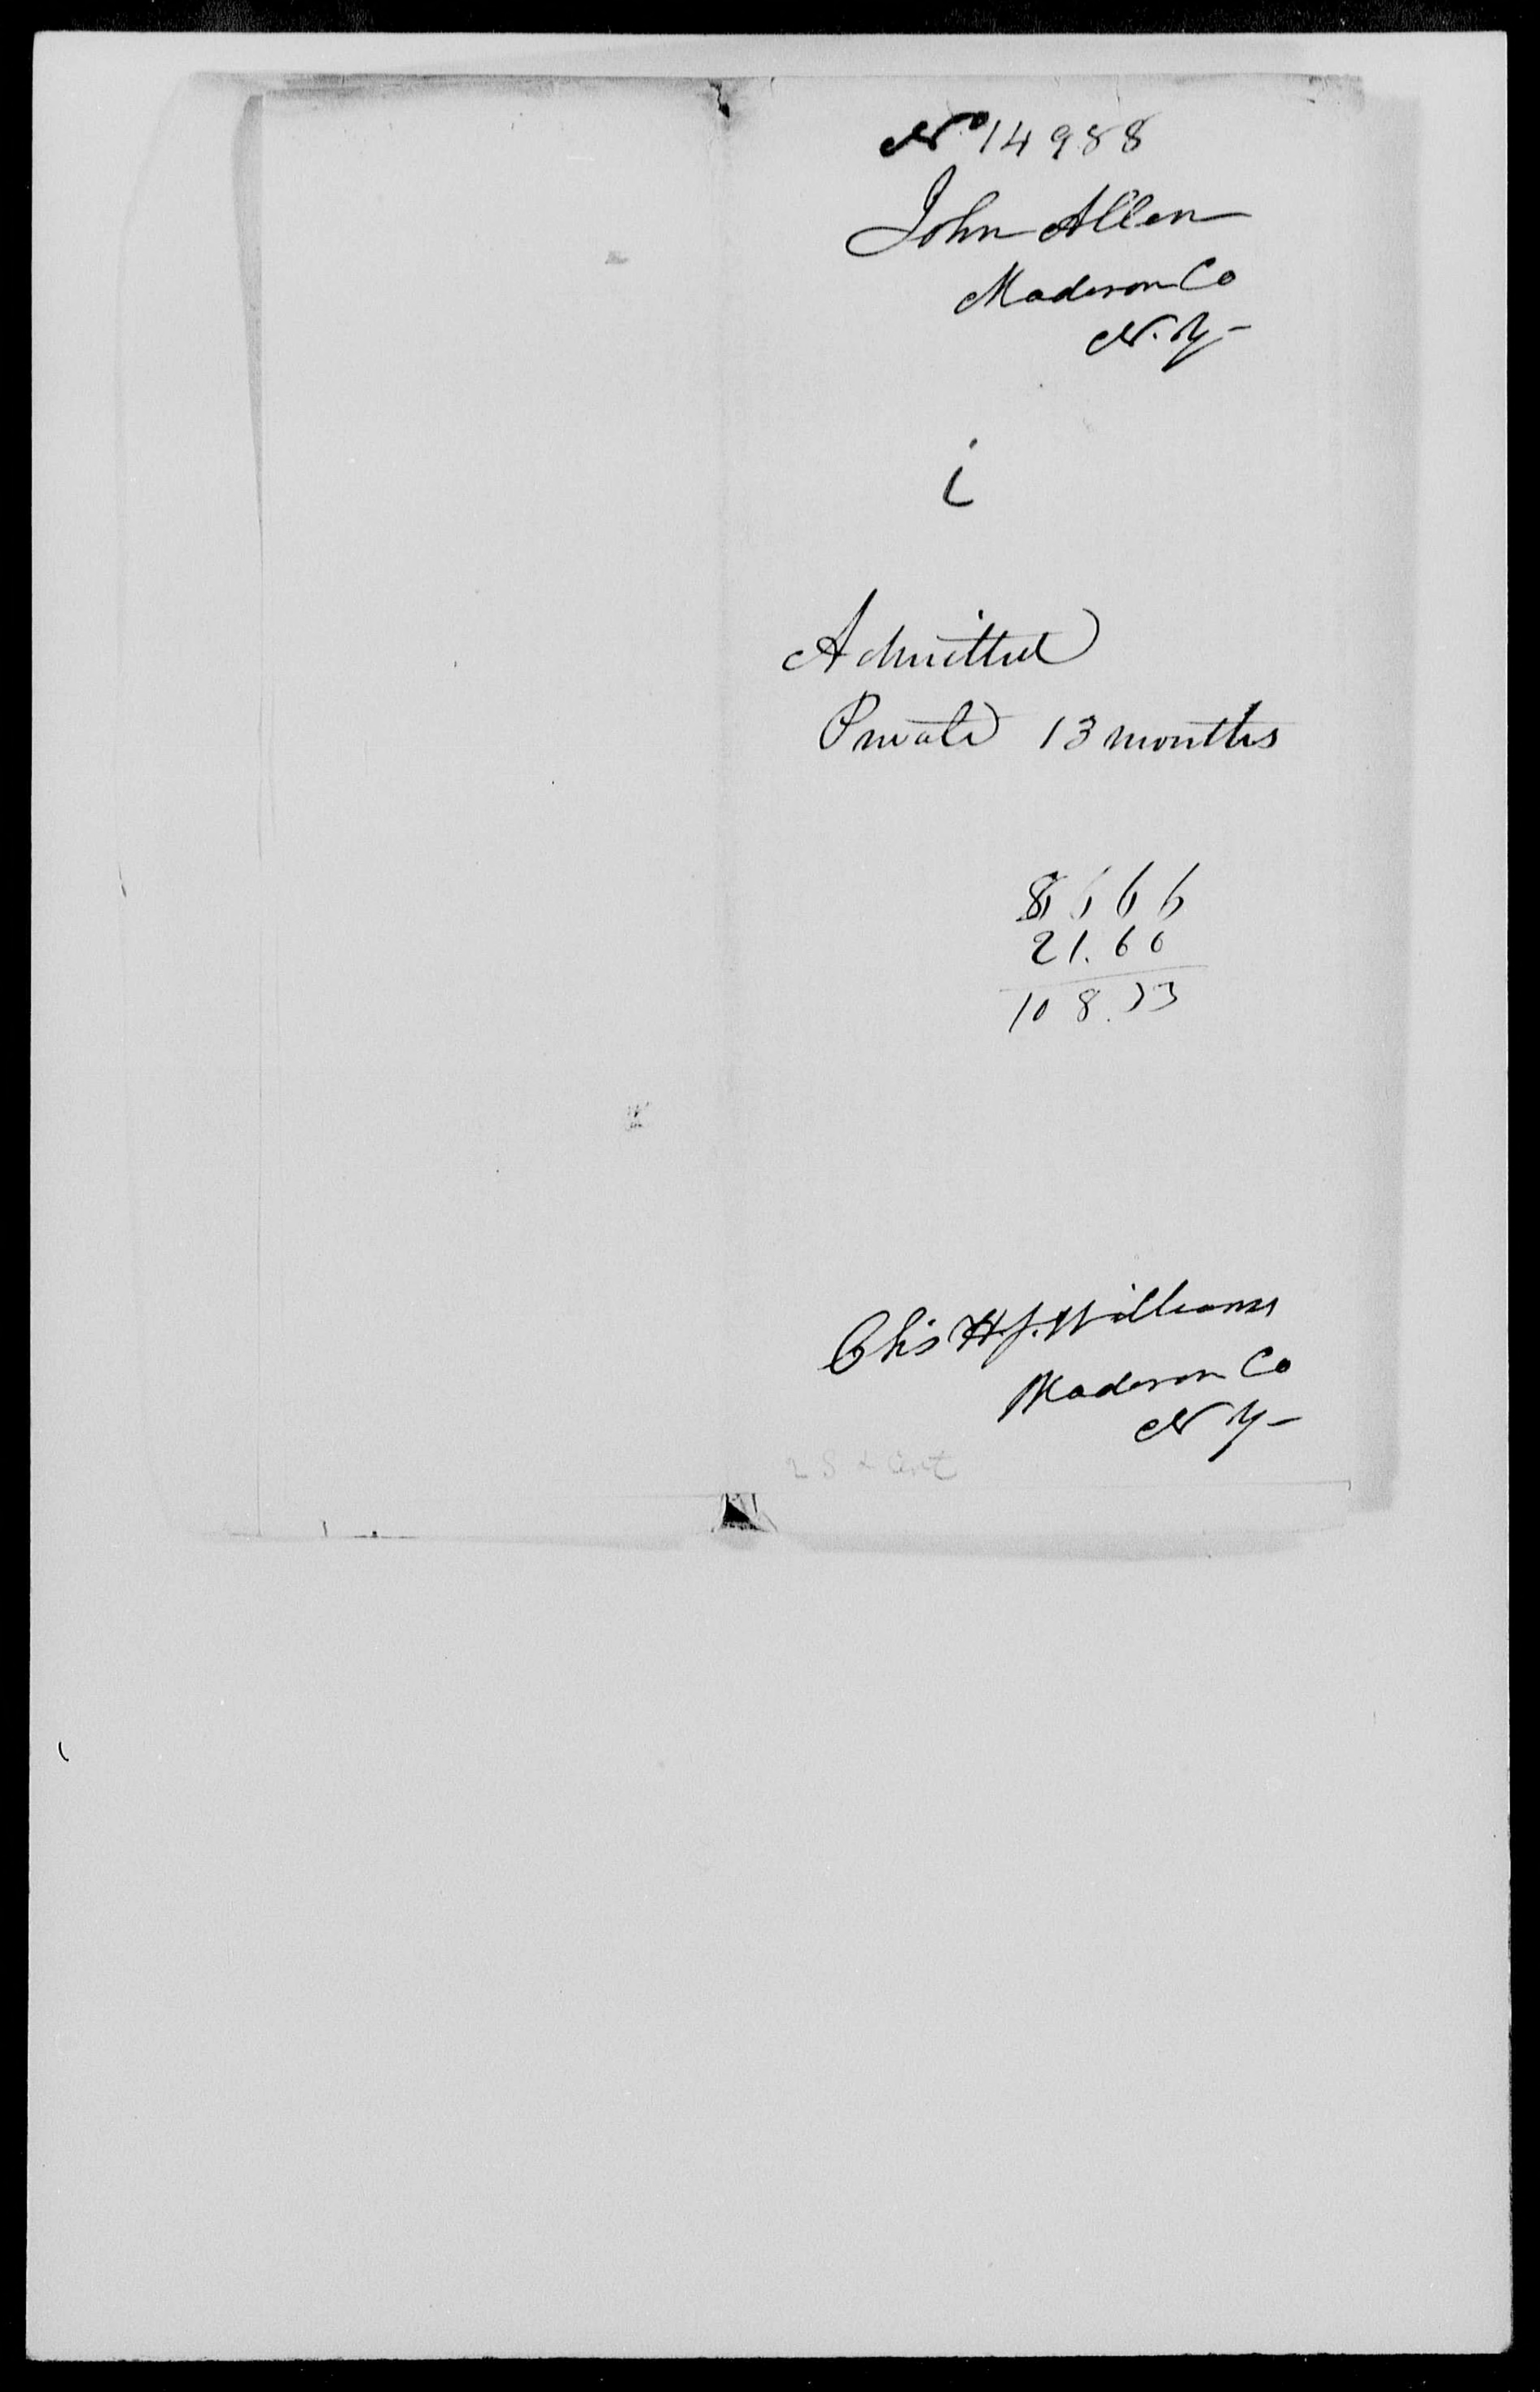No 14988
John Allen
Madison Co
NY
i
Admitted
Private 13 months
8666
21.66
108.23
Chs H. Williams
Madison Co
NY

LS & Cert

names: Chs H J Williams, John Allen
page: 10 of 74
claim: widow's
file: W. 23424, John Allen, Mass. R. I.